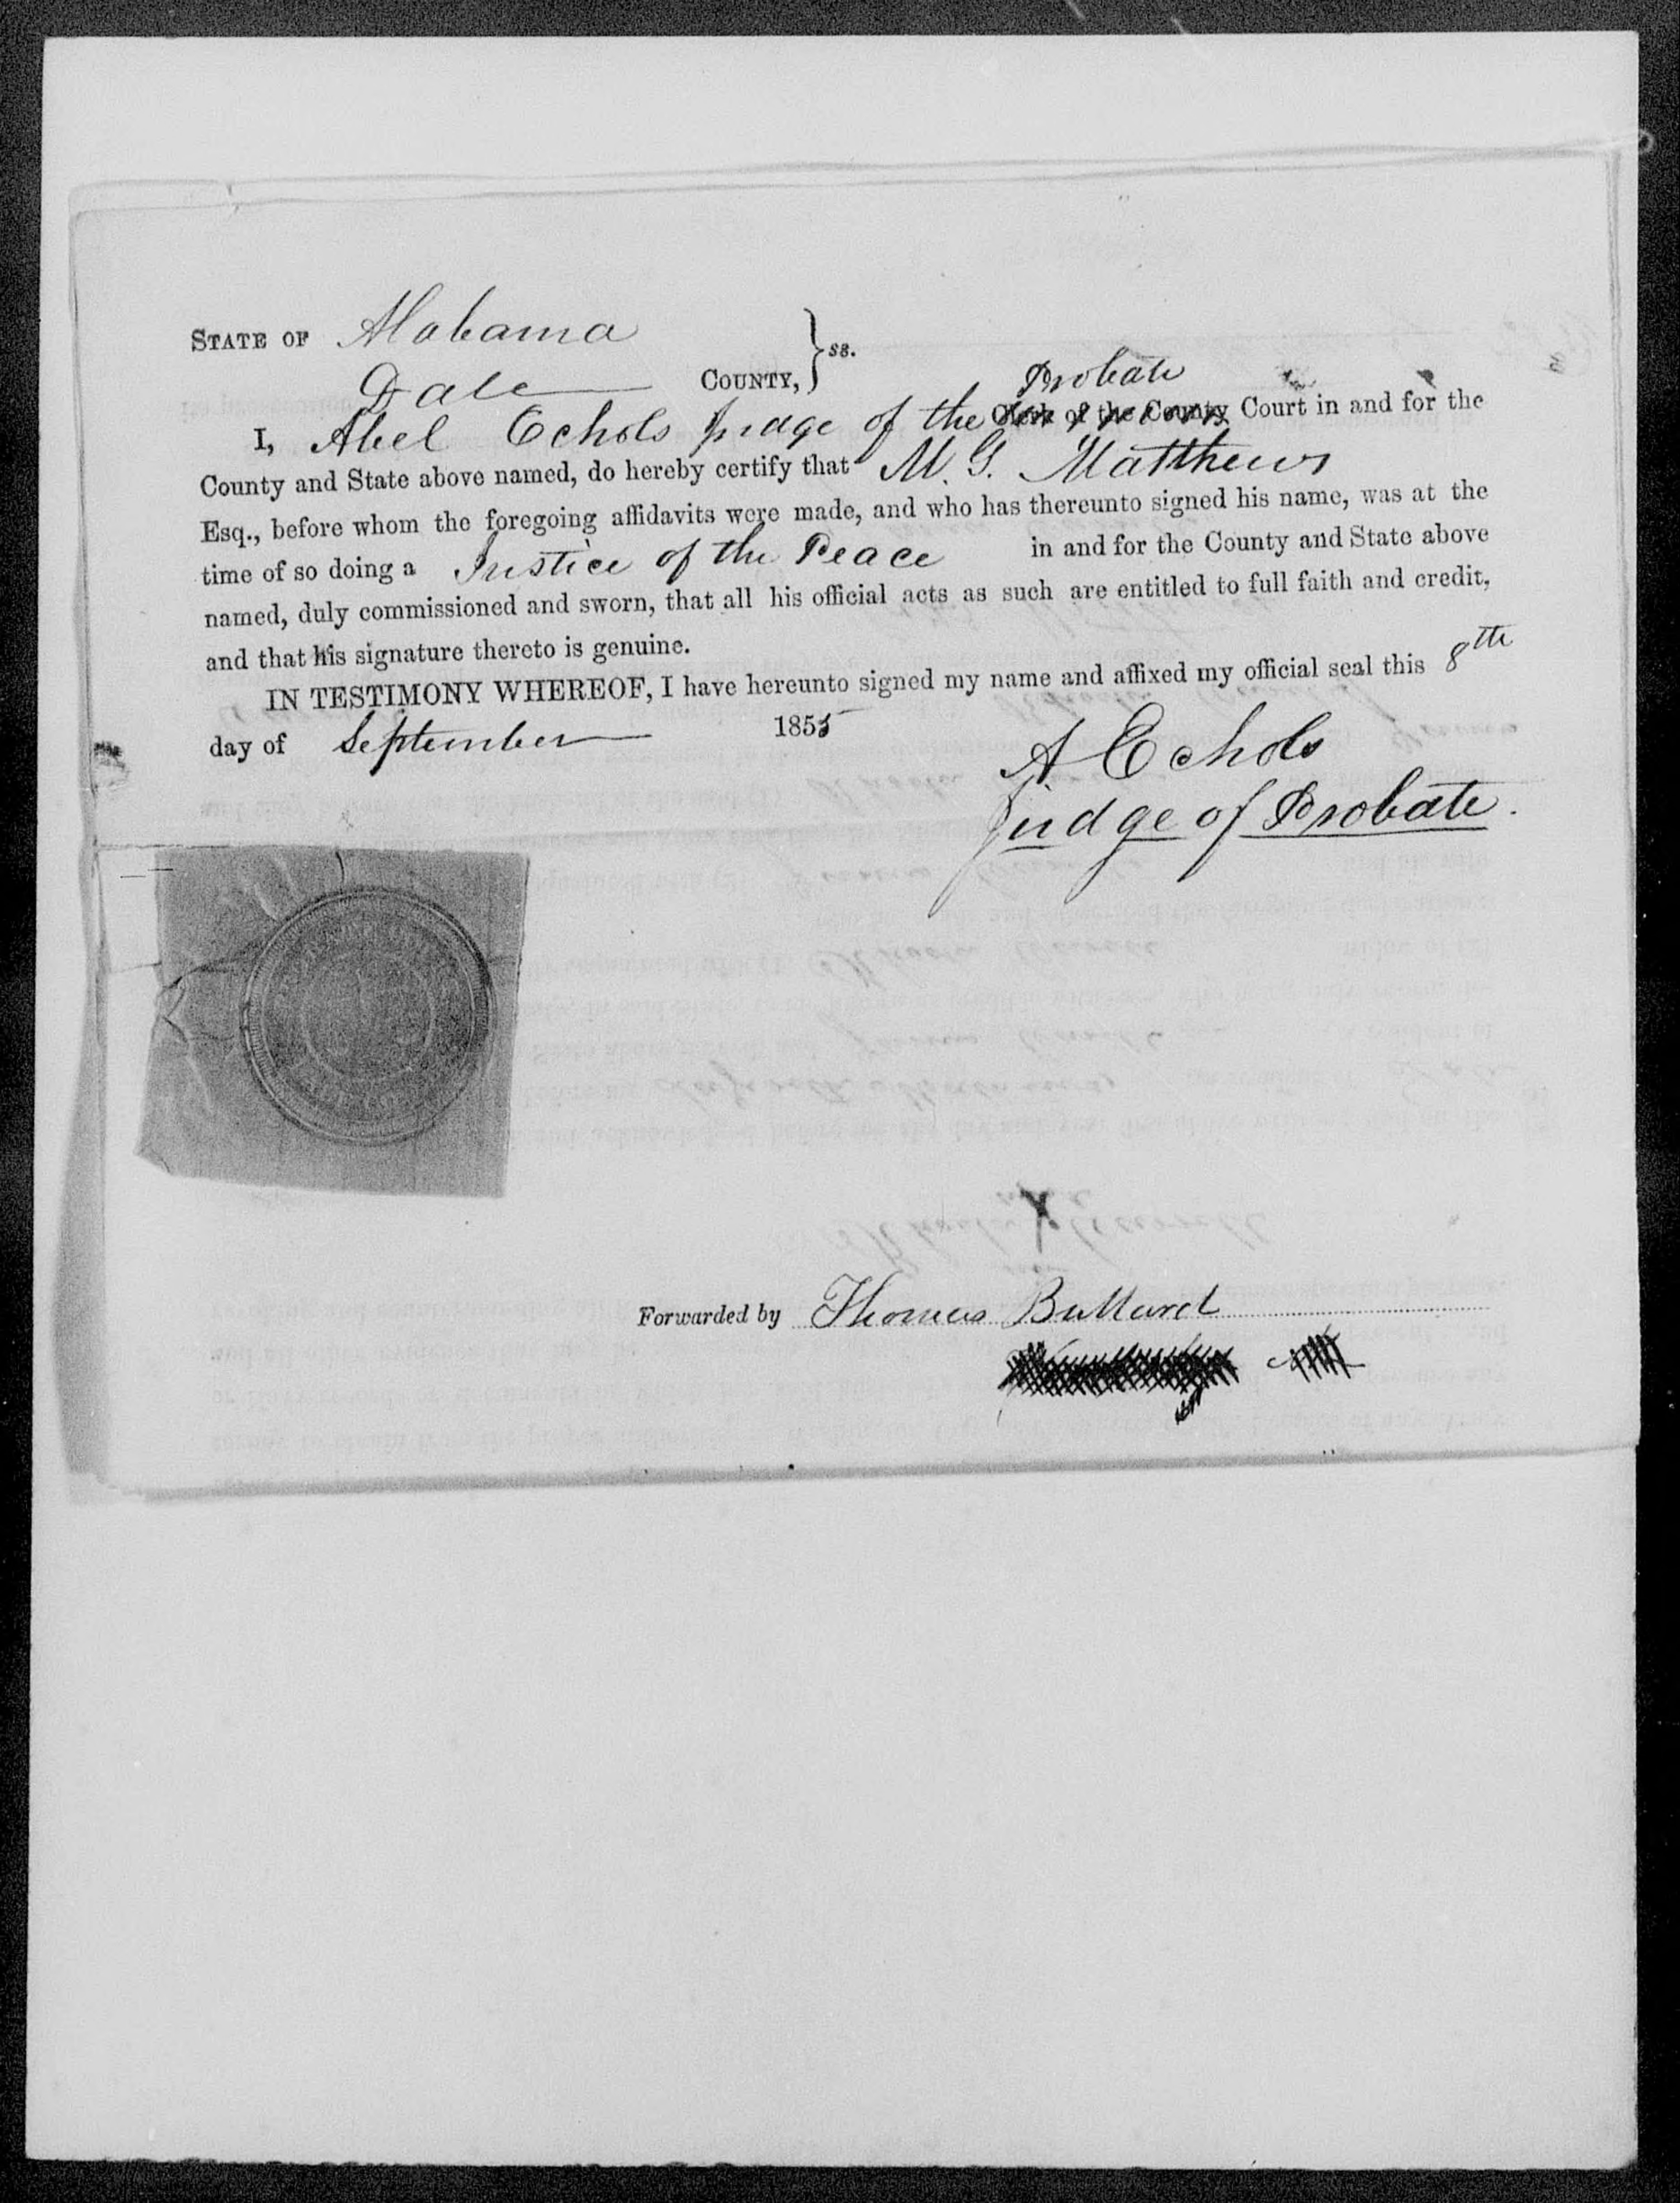State of Alabama
Dale County, } SS.
I , Abel Echols Judge of the Probate Court in and for the County and State above named, do hereby certify that M.G. Matthews Esq., before whom the foregoing affidavits were made, and who has thereunto signed his name, was at the time of so doing a Justice of the Peace in and for the County and State above named, duly commissioned and sworn, that all his official acts as such are entitled to full faith and credit, and that his signature thereto is genuine.
In testimony whereof, I have hereunto signed my name and affixed my official seal this 8th day of September 1855.  A. Echols  Judge of Probate.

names: Abel Echols, Thomas Ballard, A Echols, M G Matthews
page: 16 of 86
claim: widow's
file: W. 6899, James Carrell, N.C.